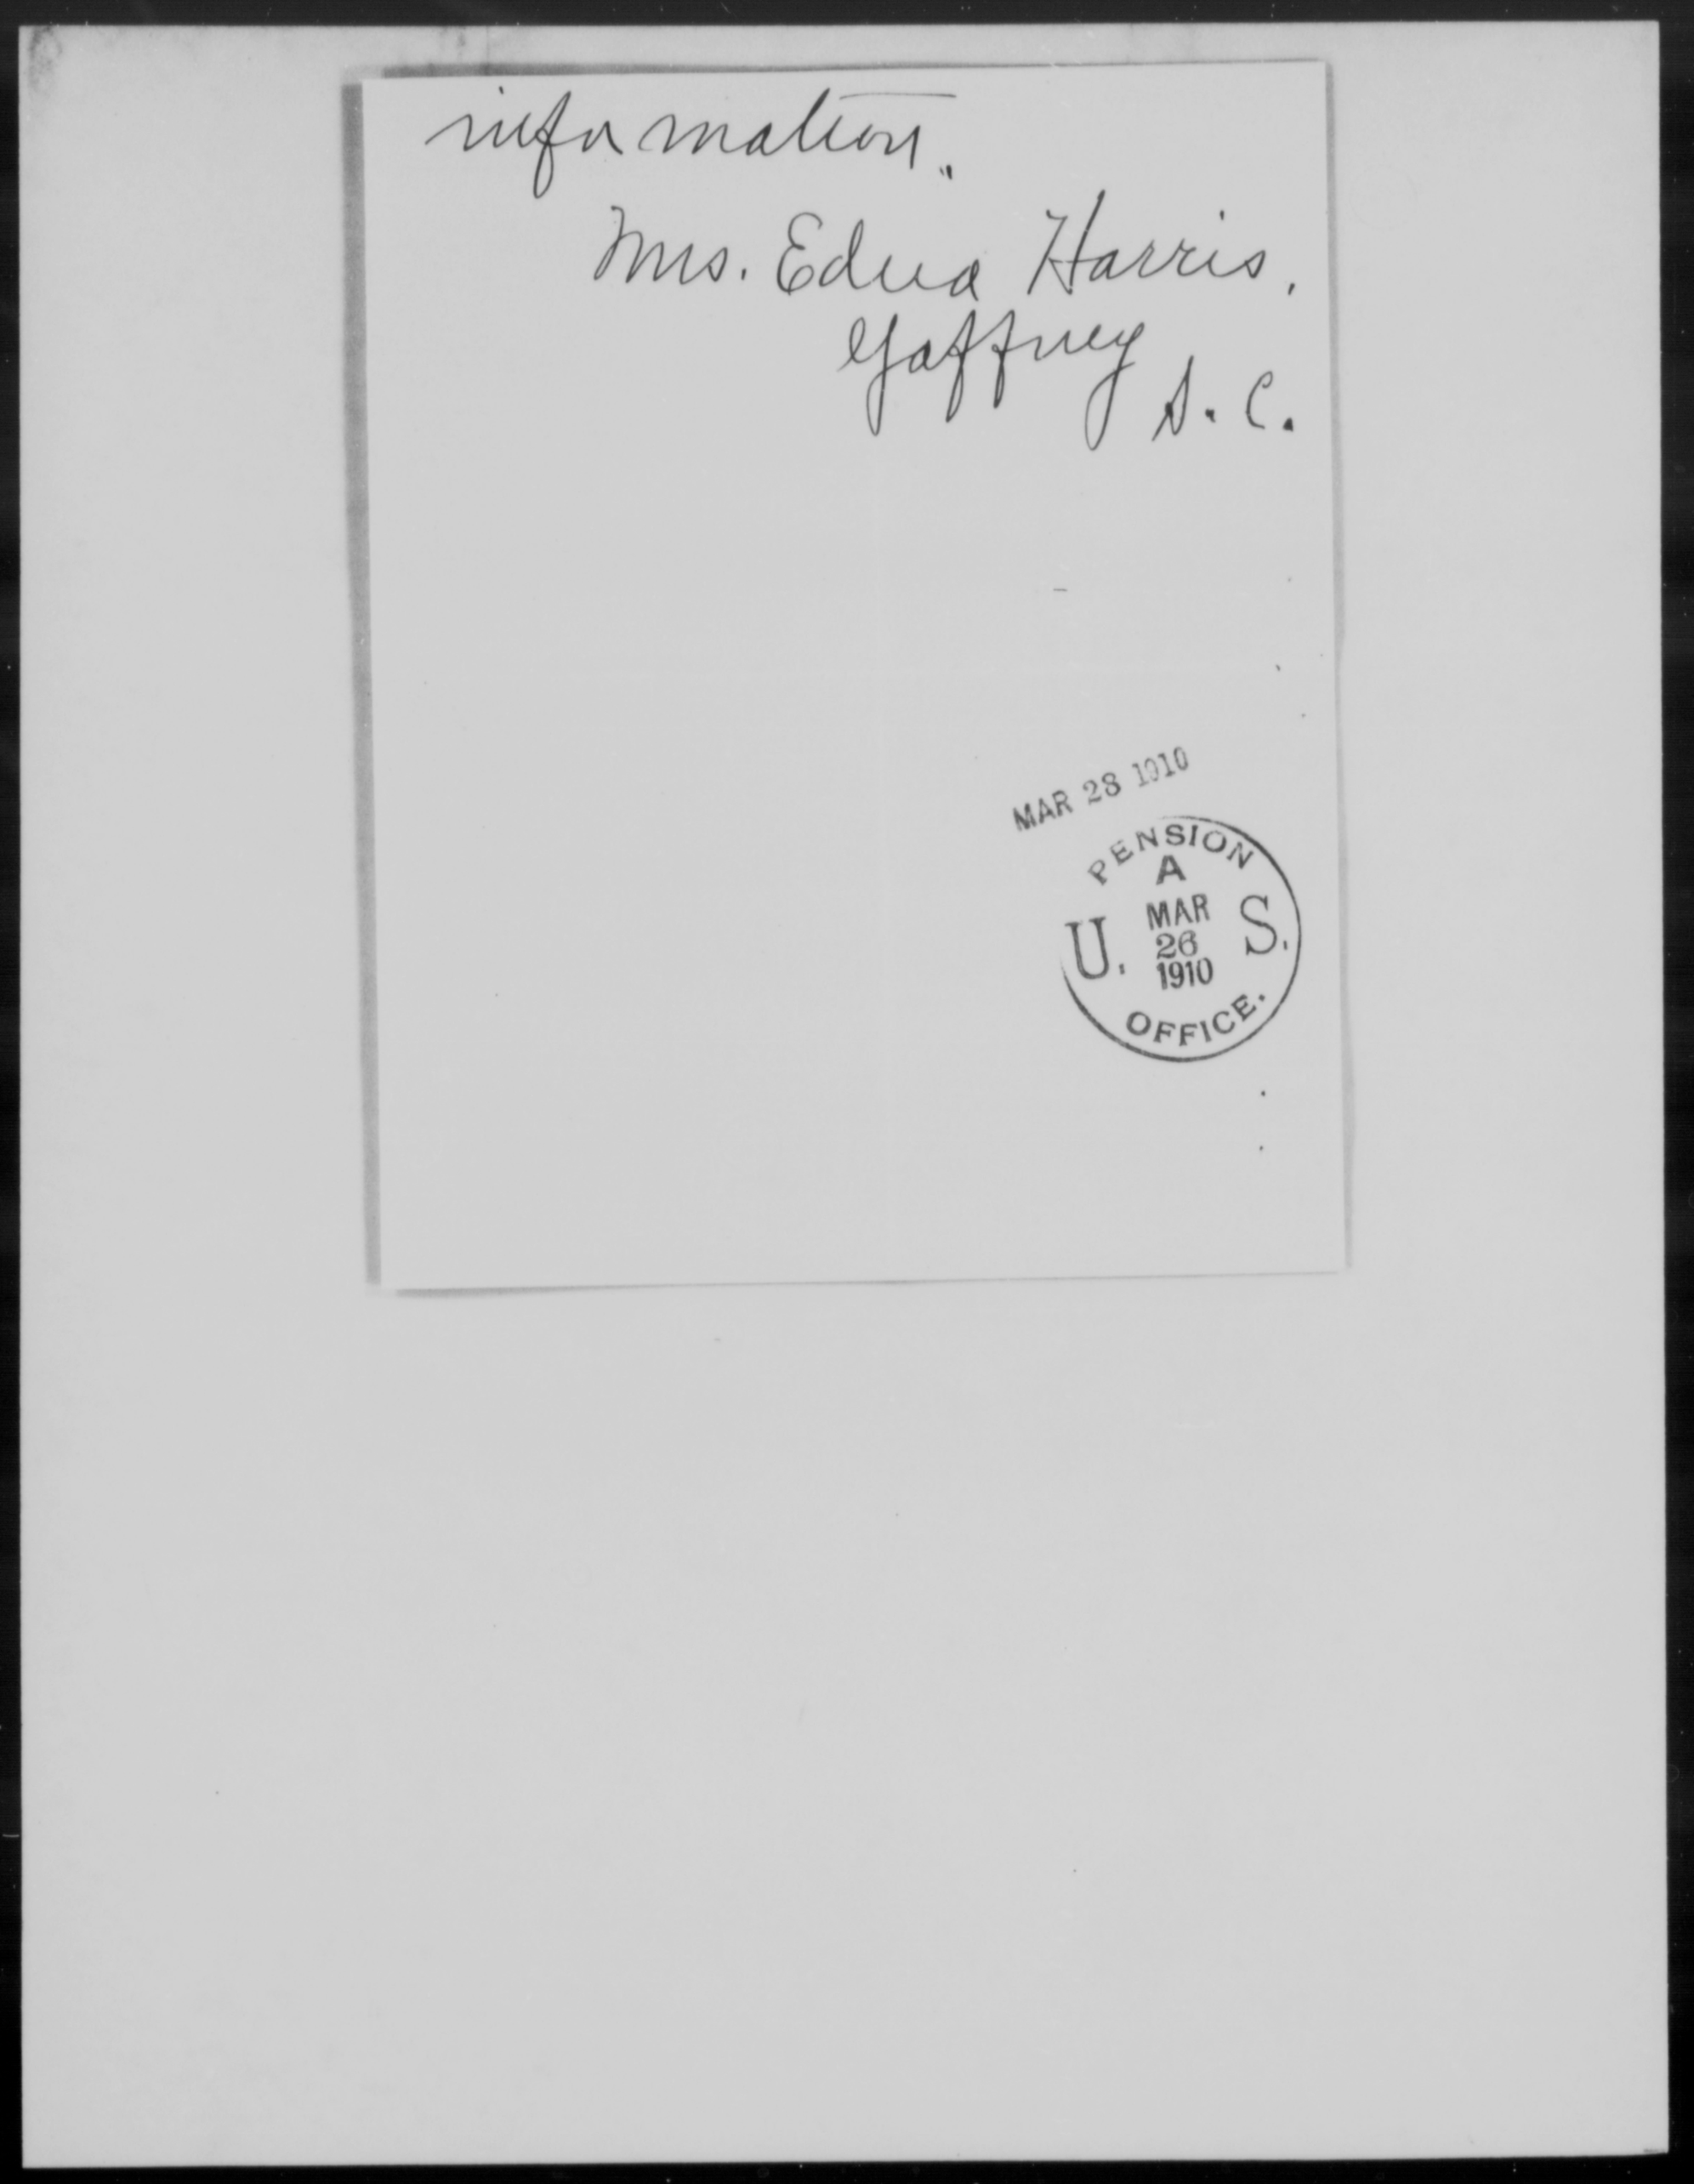information 
Mts. Edna Harris. Gaffney S.C.
MAR 28 1910
U.S. PENSION OFFICE A MAR 26 1910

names: Edna Harris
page: 18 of 19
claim: survivor's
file: S. 7,896, William Wingo, Va.